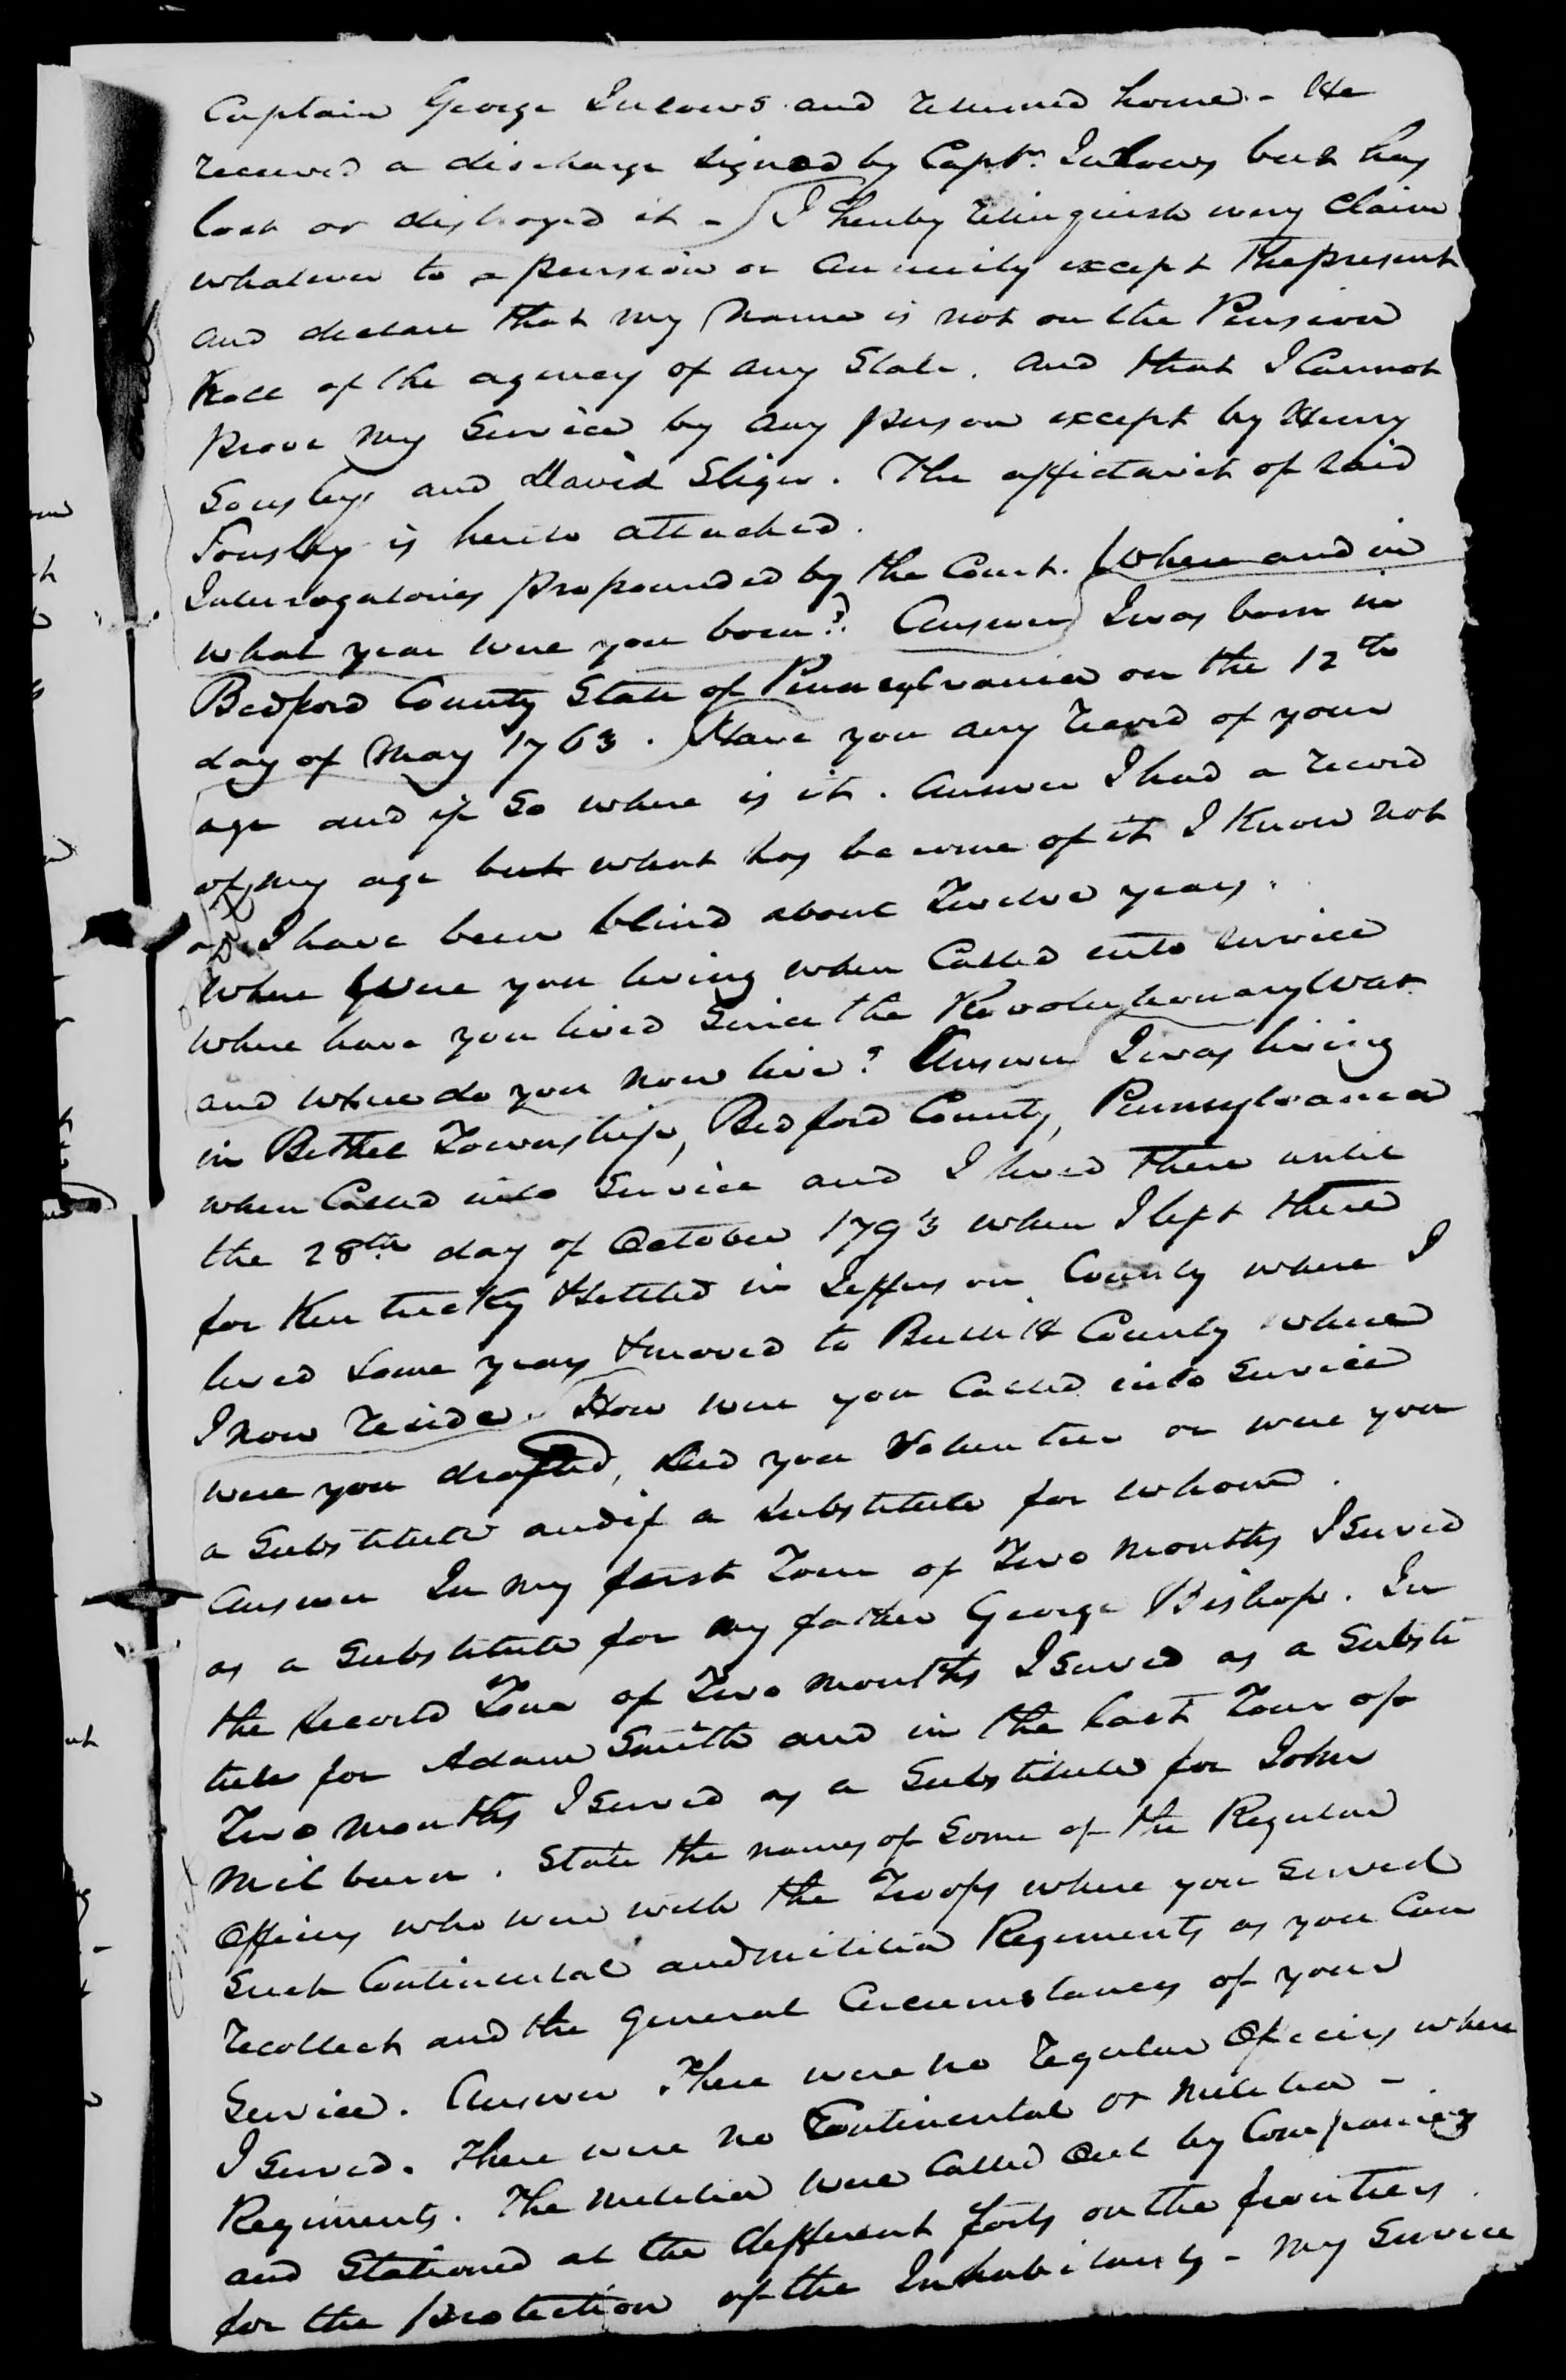Captain George Inlows and returned home. He received a discharge signed by Capt. Inlows but he lost or destroyed it - I hereby relinquish every claim whatever to a pension or annuity except the present and declare that my name is not on the Pension Roll of the agency of any State. And that I cannot prove my service by any person except by Henry Sousley and David Sliger.  The affidavits of said Sousley is hereto attached.
Interrogatories propounded by the Court John 
Q1  where and in what year were you born? 
Answer I was born in - Bedford County State of Pennsylvania on the 12th day of May 1763. 
Have you any record of your age and if so where is it 
Answer I had a record of my age but what has become of it I know not I have been blind about twelve years.   
Where were you living when called into service where have you lived since the Revolutionary war and where do you now 
Answer I was living in Bethel Township, Bedford County, Pennsylvania when called who service and I lived there until the 28th day of October 1793 when I left there for Kentucky & settled in Jefferson County where I lived some years & moved to Bullett County where I now reside.  
How were you called into service were you drafted, did you volunteer or were you substitute and if a substitute for whom 
Answer In my first tour of two months served a substitute for my father George Bishop, In the Second tour of two months I served as a Substitute for Adam Smith and in the last Tour of Two months I served as a substitute for John Milburn   
State the names of some of the Regular officers who were with the Troops where you served Such Continental and militia Regiments as you can recollect and the general circumstances of your service. 
Answer there were the regular Officers when I served. There were no Continental or militia Regiments. The militia were called out by company and stationed at the different Forts on the frontiers for the protection of the Inhabitants – my service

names: George Bishop, Henry Sousley, Inlows, David Sliger, John Milburn, Ira, George Inlows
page: 5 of 26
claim: survivor's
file: S.1,166, Lawrence Bishop, Penn.